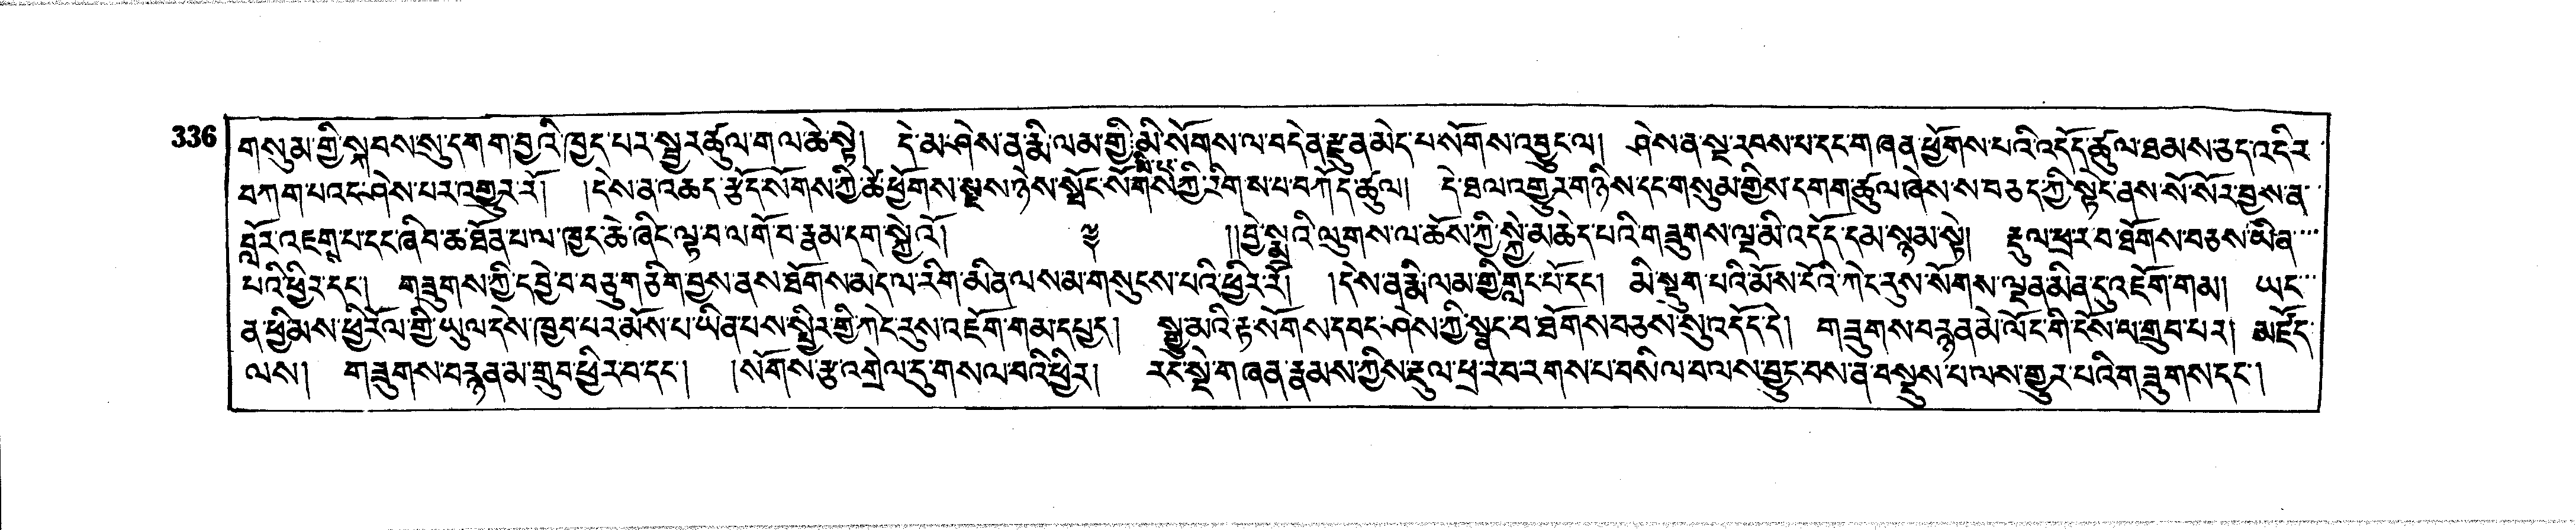གསུམ་གྱི་སྐབས་སུ་དགག་བྱའི་ཁྱད་པར་སྦྱར་ཚུལ་གལ་ཆེ་སྟེ། དེ་མ་ཤེས་ན་རྨི་ལམ་གྱི་མི་དང་མི་སོགས་ལ་བདེན་རྫུན་མེད་པ་སོགས་འབྱུང་ལ། ཤེས་ན་སྔ་རབས་པ་དང་གཞན་ཕྱོགས་པའི་འདོད་ཚུལ་ཐམས་ཅད་འདིར་
བཀག་པའང་ཤེས་པར་འགྱུར་རོ། །དེས་ན་འཆད་རྩོད་སོགས་ཀྱི་ཚེ་ཕྱོགས་སྔས་ཉེས་སྤོང་སོགས་ཀྱི་རིགས་པ་བཀོད་ཚུལ། དེ་ཐལ་འགྱུར་གཉིས་དང་གསུམ་གྱིས་དགག་ཚུལ་ཞེས་ས་བཅད་ཀྱི་སྟེང་ནས་སོ་སོར་བྱས་ན་
བློར་འཇགས་པ་དང་ཞིབ་ཆ་ཐོན་པ་ལ་ཁྱད་ཆེ་ཞིང་ལྟ་བ་ལ་གོ་བ་རྣམ་དག་སྐྱེའོ། ༈ །།བྱེ་སྨྲའི་ལུགས་ལ་ཆོས་ཀྱི་སྐྱེ་མཆེད་པའི་གཟུགས་ལྔ་མི་འདོད་དམ་སྙམ་སྟེ། རྡུལ་ཕྲ་རབ་ཐོགས་བཅས་ཡིན་
པའི་ཕྱིར་དང་། གཟུགས་ཀྱི་དབྱེ་བ་བཅུ་གཅིག་བྱས་ནས་ཐོགས་མེད་ལ་རིག་མིན་ལས་མ་གསུངས་པའི་ཕྱིར་རོ། །དེས་ན་རྨི་ལམ་གྱི་གླང་པོ་དང་། མི་སྡུག་པའི་མོས་ངོའི་ཀེང་རུས་སོགས་ལྡན་མིན་དུ་འཇོག་གམ། ཡང་
ན་ཕྱི་མས་ཕྱི་རོལ་གྱི་ཡུལ་དེས་ཁྱབ་པར་མོས་པ་ཡིན་པས་སྤྱིར་གྱི་ཀེང་རུས་འཇོག་གམ་དཔྱད། སྒྱུ་མའི་རྟ་སོགས་དབང་ཤེས་ཀྱི་སྣང་བ་ཐོགས་བཅས་སུ་འདོད་དེ། གཟུགས་བརྙན་མེ་ལོང་གི་ངོས་ལ་གྲུབ་པར། མཛོད་
ལས། གཟུགས་བརྙན་མ་གྲུབ་ཕྱིར་བ་དང་། །སོགས་རྩ་འགྲེལ་དུ་གསལ་བའི་ཕྱིར། རང་སྡེ་གཞན་རྣམས་ཀྱིས་རྡུལ་ཕྲ་རབ་རགས་པ་བསིལ་བ་ལས་བྱུང་བས་ན་བསྡུས་པ་ལས་གྱུར་པའི་གཟུགས་དང་།